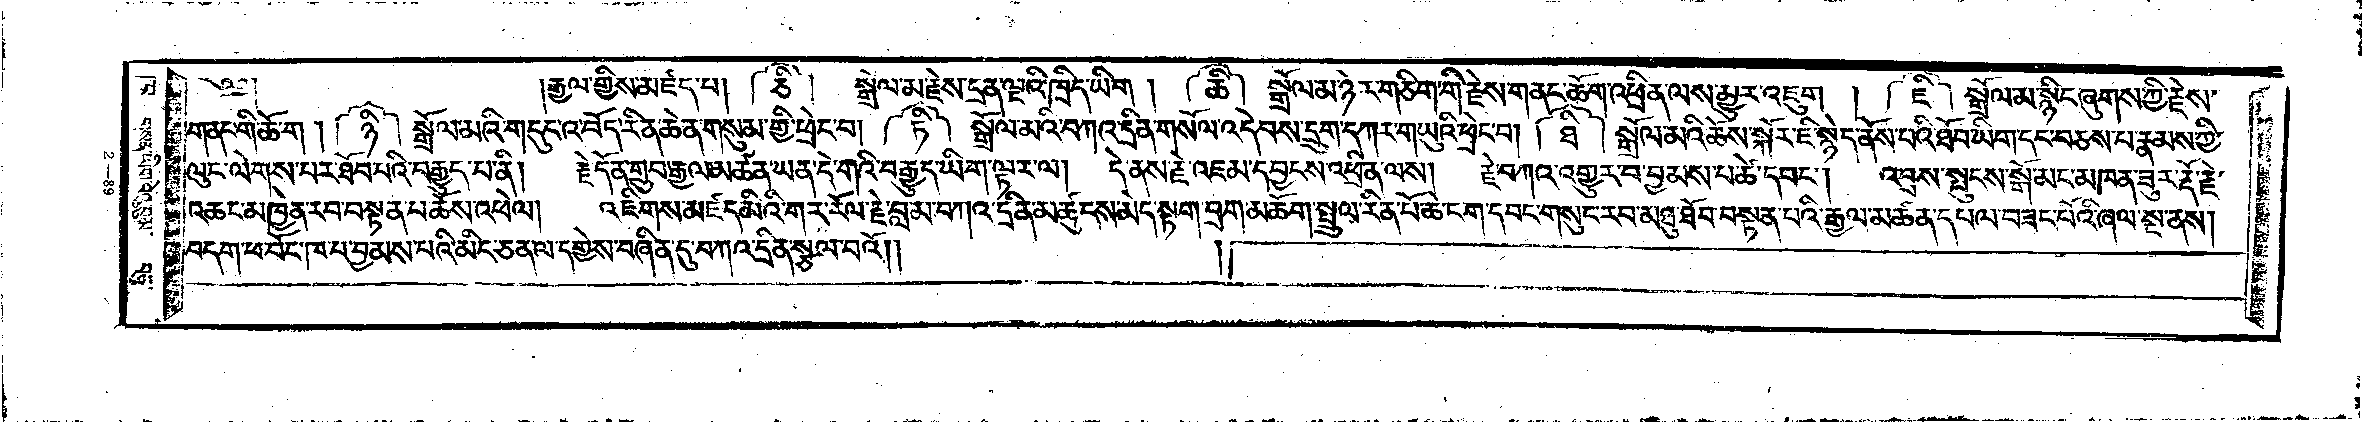༄༅། །རྒྱལ་གྱིས་མཛད་པ། ༼ཅི༽ སྒྲོལ་མ་རྗེས་དྲན་ལྔའི་ཁྲིད་ཡིག། ༼ཆི༽ སྒྲོལ་མ་ཉེར་གཅིག་གི་རྗེས་གནང་ཆོ་ག་འཕྲིན་ལས་མྱུར་འཇུག །༼ཇི༽ སྒྲོལ་མ་སྙིང་ཞུགས་ཀྱི་རྗེས་
གནང་གི་ཆོ་ག །༼ཉི༽ སྒྲོལ་མའི་གདུང་འབོད་རིན་ཆེན་གསུམ་གྱི་ཕྲེང་བ། ༼ཏི༽ སྒྲོལ་མའི་བཀའ་དྲིན་གསོལ་འདེབས་དྲུག་དཀར་གཡུའི་ཕྲེང་བ། ༼ཐི༽ སྒྲོལ་མའི་ཆོས་སྐོར་ཇི་སྙེད་ནོས་པའི་ཐོབ་ཡིག་དང་བཅས་པ་རྣམས་ཀྱི་
ལུང་ལེགས་པར་ཐོབ་པའི་བརྒྱུད་པ་ནི། རྗེ་དོན་གྲུབ་རྒྱལ་མཚན་ཡན་དེ་གའི་བརྒྱུད་ཡིག་ལྟར་ལ། དེ་ནས་རྗེ་འཇམ་དབྱངས་འཕྲིན་ལས། རྗེ་བཀའ་འགྱུར་བ་བྱམས་པ་ཚེ་དབང་། འབྲས་སྤུངས་སྒོ་མང་མཁན་ཟུར་རྡོ་རྗེ་
འཆང་མཁྱེན་རབ་བསྟན་པ་ཆོས་འཕེལ། འཇིགས་མཛད་མིའི་གར་རོལ་རྗེ་བླ་མ་བཀའ་དྲིན་མཚུངས་མེད་སྟག་བྲག་མཆོག་སྤྲུལ་རིན་པོ་ཆེ་ངག་དབང་གསུང་རབ་མཐུ་ཐོབ་བསྟན་པའི་རྒྱལ་མཚན་དཔལ་བཟང་པོའི་ཞལ་སྔ་ནས།
བདག་ཕ་བོང་ཁ་པ་བྱམས་པའི་མིང་ཅན་ལ་དགྱེས་བཞིན་དུ་བཀའ་དྲིན་སྩལ་བའོ།། །